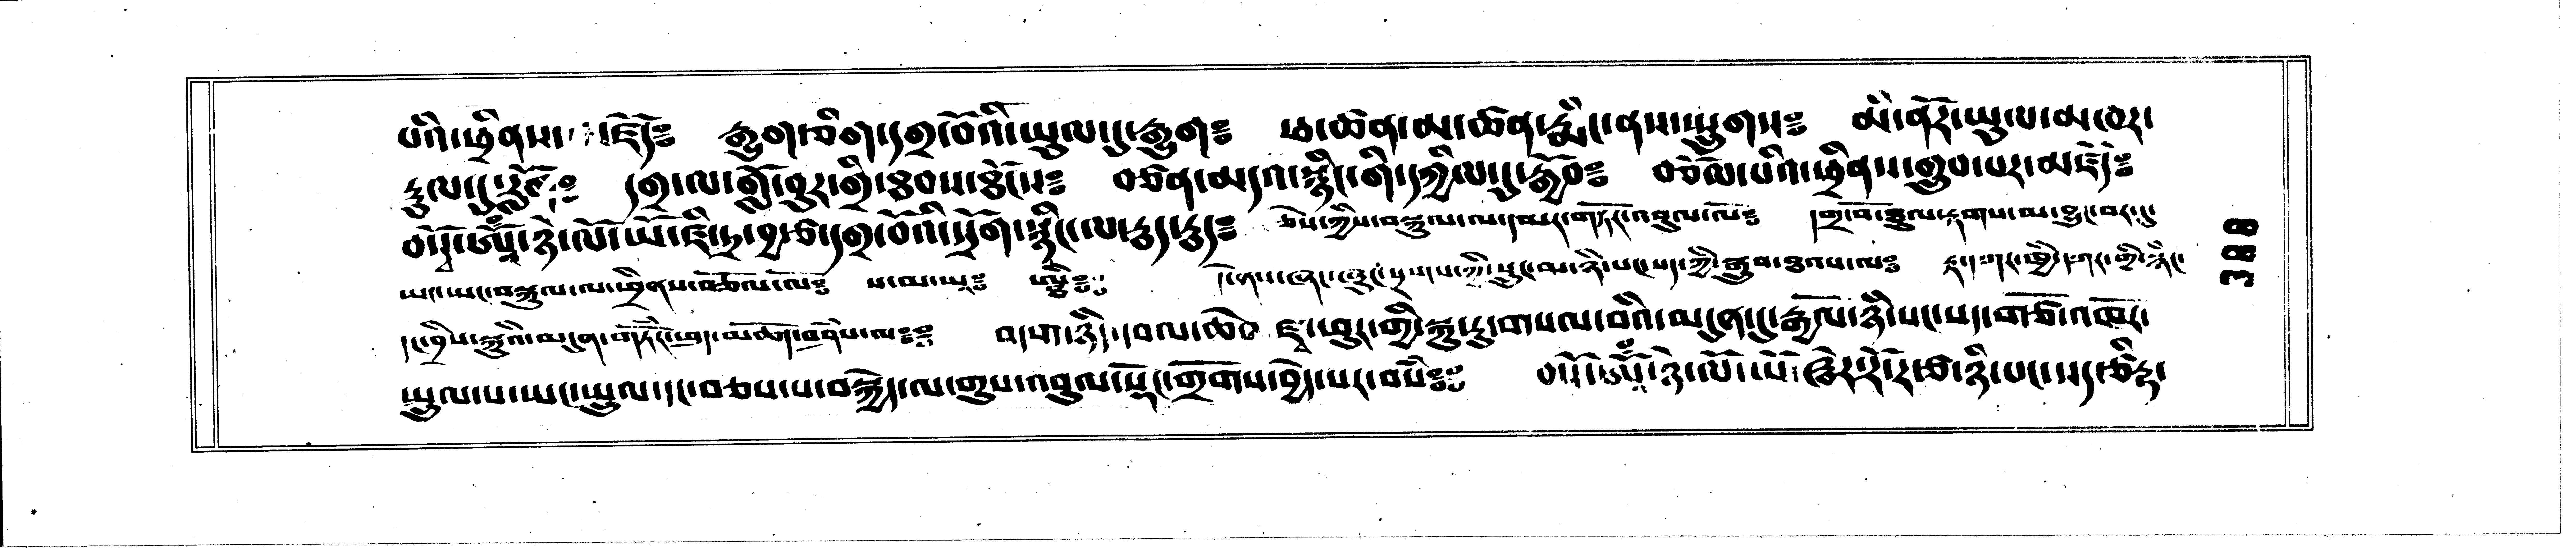པའི་ཕྲིན་ལས་མཛོད༔ རྒྱུག་ཅིག་དགྲ་བོའི་ཡུལ་དུ་རྒྱུག༔ ཕ་ཚན་མ་ཚན་རྨིང་ནས་སྤྲུགས༔ མི་ནོར་ཡུལ་མཁར་
རྡུལ་དུ་རློག༔ དགྲ་ལ་གློ་བུར་གྲི་ཐབས་ཐོངས༔ བཙན་མདའ་སྙིང་གི་དཀྱིལ་དུ་རྒྱོབས༔ བཅོལ་བའི་ཕྲིན་ལས་གྲུབ་པར་མཛོད༔ 
བསྭོ་ཨཱོཾ་ཉེ་ལོ་ཡོ་ཛི་ཏྲ་བྱ་ཙ་དགྲ་བོའི་སྲོག་སྙིང་ལ་རྦད་རྦད༔ ཅེས་ཀྱི་བསྐུལ་ལ་དམར་གཏོར་འབུལ་ལོ༔ དགྲ་བོ་ཐུལ་རྟགས་མ་བྱུང་བར་དུ་
ཡང་ཡང་བསྐུལ་ལ་ཕྲིན་ལས་བཅོལ་ལོ༔ ས་མ་ཡཱ༔ ཨྠི༔ དེ་ནས་ཞང་ཞུང་སྔགས་ཀྱི་སྲུང་མ་ཉི་པང་སད་ཀྱི་སྒྲུབ་ཐབས་ལ༔ རྟ་དཀར་ཁྱི་དཀར་གྱི་སྙིང་
དང་བྲིས་སྐུའི་མདུན་གཏོར་མ་ཕུད་མཆོད་བཤམས་ལ༔༔ བདག་ཉིད་དབལ་ཆེན་ཛྭ་ཕུར་གྱི་སྐུ་རུ་གསལ་བའི་མདུན་དུ་རྒྱལ་པོ་ཉི་སང་སད་གཙོ་འཁོར་
སྤྲུལ་པ་ཡང་སྤྲུལ་དང་བཅས་པ་བསྐྱེད་ལ་གུས་འབུལ་སྡོང་གྲོགས་བྱེད་པར་བསམ༔༔ བསྭོ་ཨཱོཾ་ཉེ་ལོ་ཡོ་ཝེར་རོ་ར་ཙ་ཉི་པང་སད་ཙིརྟ་